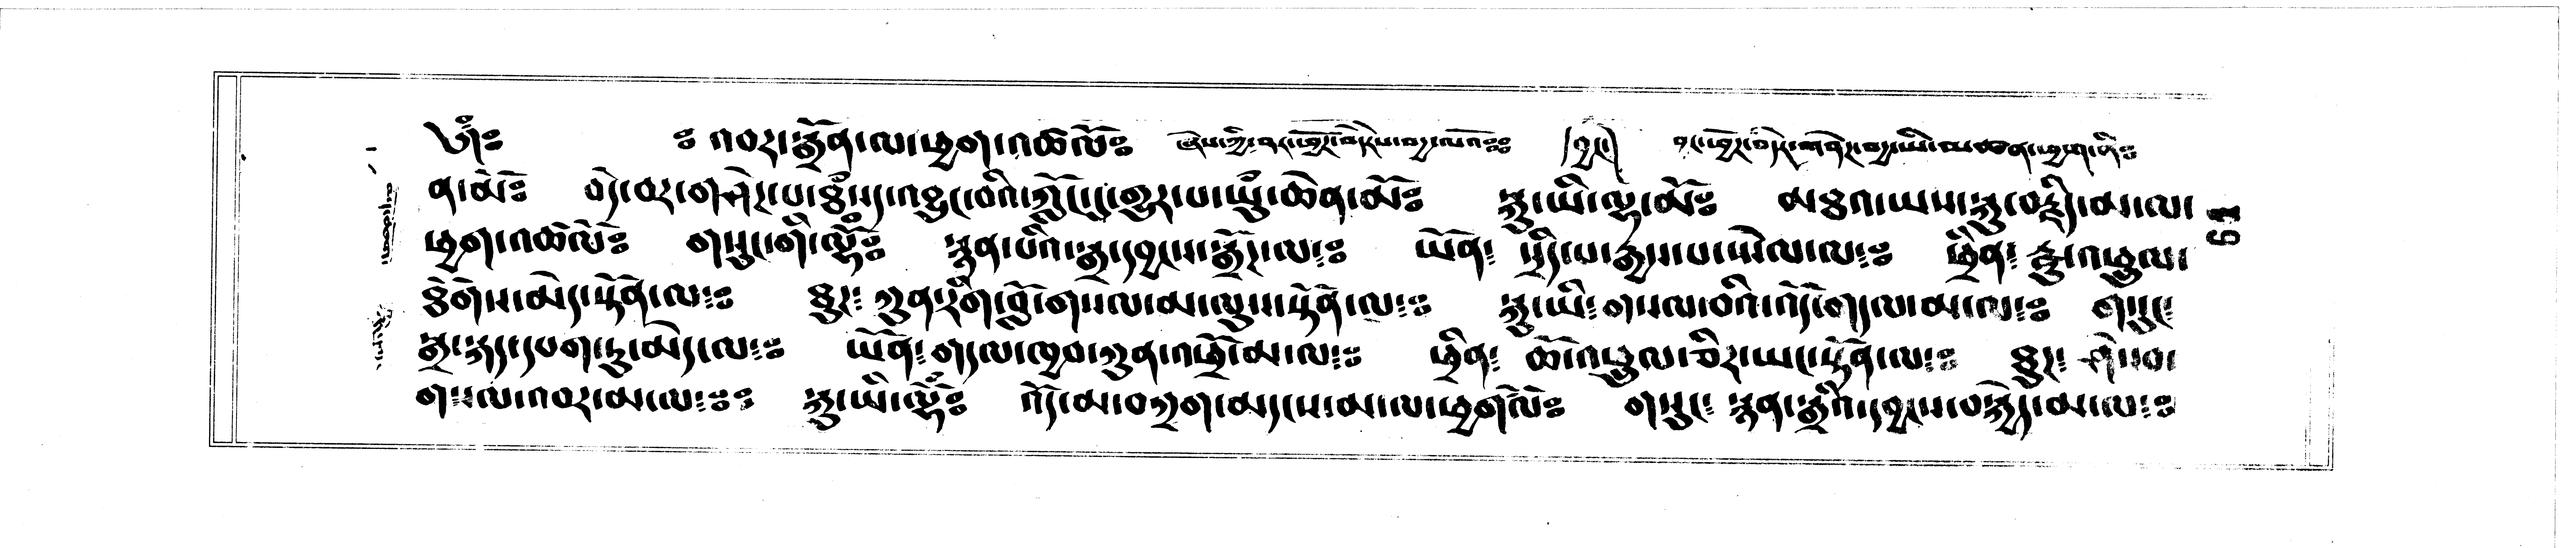འབར་སྒྲོན་ལ་ཕྱག་འཚལ་ལོཿ ཞེས་ཀྱི་ཤར་ཕྱོགས་བདེར་གཤེགས་བརྒྱ་ལའོཿ ༼བྱང༽བྱང་ཕྱོགས་བདེར་གཤེགས་བརྒྱ་ཡི་མཚན་ཕྱག་ནིཿ 
ན་མོ་བདེ་བར་གཤེགས་པ་ཐམས་ཅད་འབྱུང་བའི་ཀློང་དུ་གྱུར་པའི་ཡུམ་ཆེན་མོཿ སྐུ་ཡི་ལྷ་མོཿ མཐའ་ཡས་སྐུ་བརྗིད་མ་ལ་
ཕྱག་འཚལ་ལོཿ གསུང་གི་ལྷ་མོཿ སྙན་པའི་སྒྲ་དབྱངས་སྒྲོགས་ལ་ཕྱག་འཚལ་ལོཿ ཡོན་ཏན་གྱི་ལྷ་མོཿ སྲིད་པ་རྒྱས་པར་སྤེལ་ལ་ཕྱག་འཚལ་ལོཿ ཕྲིན་ལས་ཀྱི་ལྷ་མོཿ རྫུ་འཕྲུལ་
ཐོགས་མེད་སྟོན་ལ་ཕྱག་འཚལ་ལོཿ ཐུགས་ཀྱི་ལྷ་མོཿ ཀུན་རིག་བློ་གསལ་མ་ལུས་སྟོན་ལ་ཕྱག་འཚལ་ལོཿ སྐུ་ཡི་ལྷ་མོཿ གསལ་བའི་འོད་བདལ་མ་ལ་ཕྱག་འཚལ་ལོཿ གསུང་གི་ལྷ་མོཿ 
སྒྲ་སྐད་དཔག་ཏུ་མེད་ལ་ཕྱག་འཚལ་ལོཿ ཡོན་ཏན་གྱི་ལྷ་མོཿ བདལ་ཁྱབ་ཀུན་འཕྲོ་མ་ལ་ཕྱག་འཚལ་ལོཿ ཕྲིན་ལས་ཀྱི་ལྷ་མོཿ ཆོ་འཕྲུལ་ཅིར་ཡང་སྟོན་ལ་ཕྱག་འཚལ་ལོཿ ཐུགས་ཀྱི་ལྷ་མོཿ ཤེས་རབ་
གསལ་འབར་མ་ལ་ཕྱག་འཚལ་ལོཿ སྐུ་ཡི་ལྷ་མོཿ འོད་མ་བཀྲག་མདངས་མ་ལ་ཕྱག་འཚལ་ལོཿ གསུང་གི་ལྷ་མོཿ སྙན་སྒྲའི་དབྱངས་སྐྱིད་མ་ལ་ཕྱག་འཚལ་ལོཿ